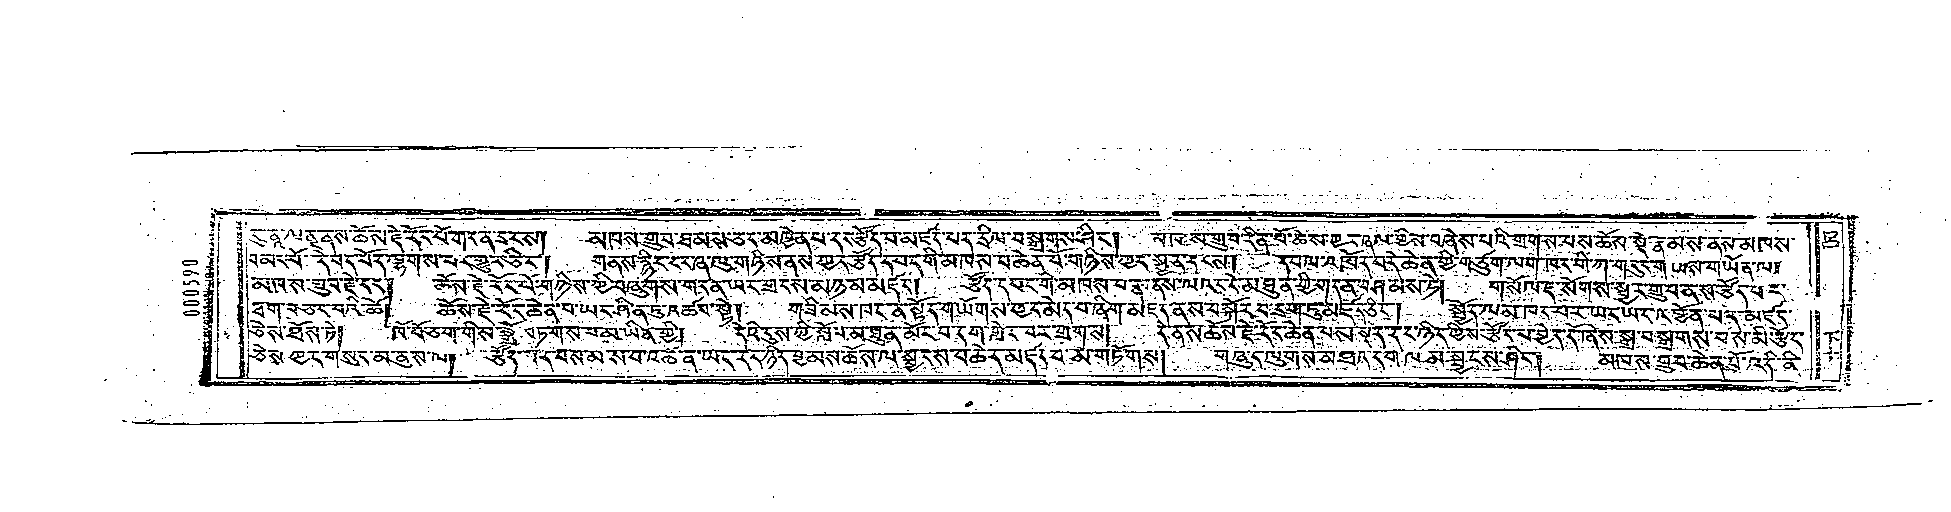དུ་ནཱ་ལནྡ་ནས་ཆོས་རྗེ་རོང་པོ་གདན་དྲངས། མཁས་གྲུབ་ཐམས་ཅད་མཁྱེན་པ་དང་རྩོད་པ་མཛད་པར་དྲིལ་བསྒྲགས་ཤིང་། མཁས་གྲུབ་རིན་པོ་ཆེས་ཀྱང་ཞལ་གྱིས་བཞེས་པའི་གྲགས་པས་ཆོས་སྡེ་རྣམས་ནས་མཁས་
པ་མང་པོ་དེ་བར་པོར་ལྷགས་པར་གྱུར་ཅིང་། གནས་རྙིང་དང་ཞ་ལུ་གཉིས་ནས་ཀྱང་རྩོད་དཔང་གི་མཁས་པ་ཆེན་པོ་གཉིས་ཀྱང་སྤྱན་དྲངས། དཔལ་འཁོར་བདེ་ཆེན་གྱི་གཙུག་ལག་ཁང་གི་ཀ་གདུང་གཡས་གཡོན་ལ།
མཁས་གྲུབ་རྗེ་དང་། ཆོས་རྗེ་རོང་པོ་གཉིས་ཀྱི་བཞུགས་གདན་ཡང་གྲངས་མཉམ་མཛད། རྩོད་དཔང་གི་མཁས་པ་རྣམས་ལའང་དེ་མཐུན་གྱི་གདན་བཤམས་ཏེ། གསོལ་ཇ་སོགས་སྦྱར་གྲུབ་ནས་རྩོད་པར་
ཐག་བཅད་པའི་ཚེ། ཆོས་རྗེ་རོང་ཆེན་པ་ཡང་ཤིན་ཏུ་འཚབ་སྟེ། གཟིམས་ཁང་ན་སྟོད་གཡོགས་ཀྱང་མེད་པ་ཞིག་མཛད་ནས་བསྐོར་བ་དྲག་ཏུ་མཛད་ཅིང་། སྤྱོད་ལམ་ཁད་པར་ཡང་ཡང་འབྱོན་པར་མཛད་
ཅེས་ཐོས་ཏེ། ཁོ་བོ་ཅག་གིས་སྒྲོ་བཏགས་པ་མ་ཡིན་གྱི། དེའི་དུས་ཀྱི་སློབ་མ་ཐུན་མོང་བདག་གླེང་བར་གྲགས། དེ་ནས་ཆོས་རྗེ་རོང་ཆེན་པས་སྡར་རང་ཉིད་ཀྱིས་རྩོད་པ་བྱེད་དོ་ཞེས་སྒྲ་བསྒྲགས་བས་མི་རྩོད་
ཅེས་ཀྱང་གསུང་མ་ནུས་ལ། རྩོད་ཐར་བསམས་བ་འཚེ་ན་ཡང་རང་ཉིད་བྱམས་ཆོས་ལ་སྦྱངས་པ་ཆེར་མཛད་བ་མ་གཏོགས། གཞུང་ལུགས་མཐའ་དག་ལ་མ་སྦྱངས་ཤིང་། མཁས་གྲུབ་ཆེན་པོ་འདི་ནི་